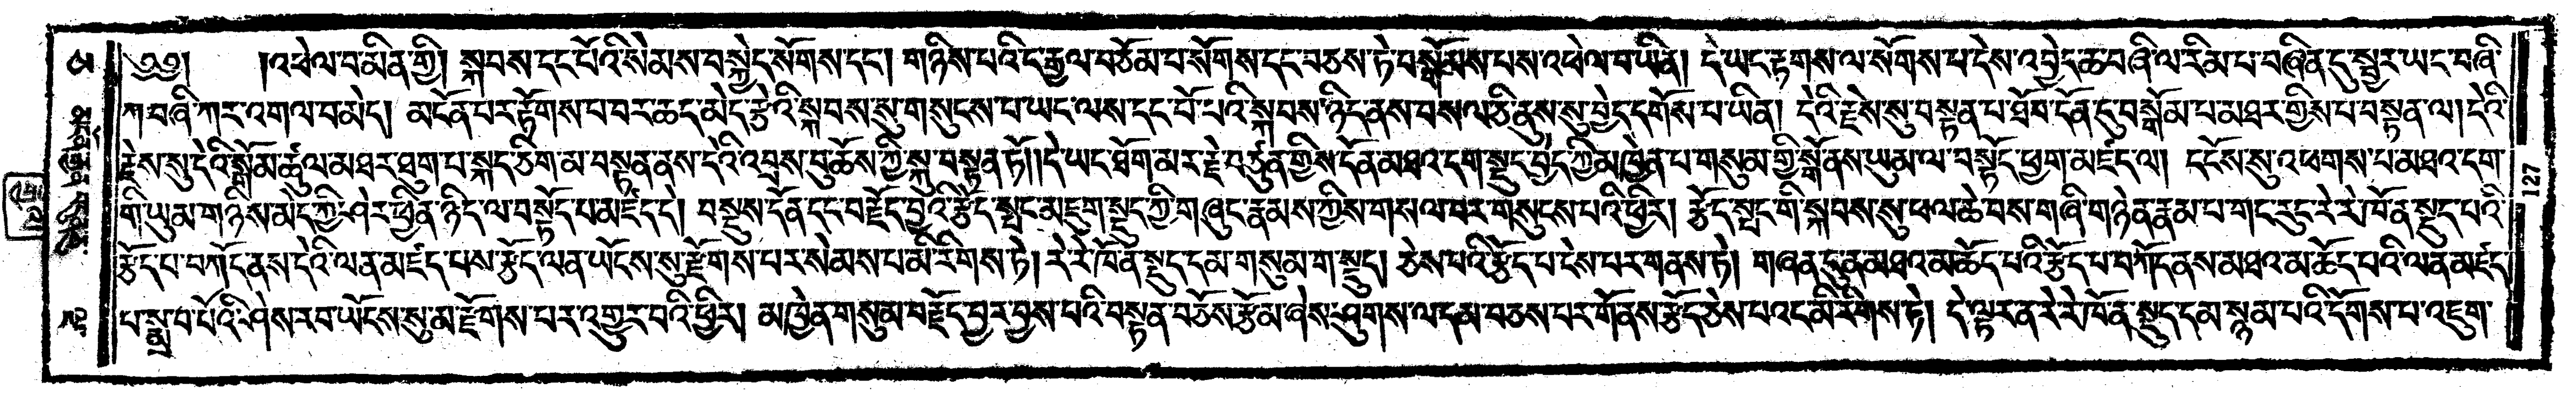༄༅། །འཕེལ་བ་མིན་གྱི། སྐབས་དང་པོའི་སེམས་བསྐྱེད་སོགས་དང་། གཉིས་པའི་ང་རྒྱལ་བཅོམ་པ་སོགས་དང་བཅས་ཏེ་བསྒོམས་པས་འཕེལ་བ་ཡིན། དེ་ཡང་རྟགས་ལ་སོགས་པ་དེས་འབྱེད་ཆ་བཞི་ལ་རིམ་པ་བཞིན་དུ་སྦྱར་ཡང་བཞི་
ཀ་བཞི་ཀར་འགལ་བ་མེད། མངོན་པར་རྟོགས་པ་བར་ཆད་མེད་རྩེའི་སྐབས་སུ་གསུངས་པ་ཡང་ལས་དང་པོ་པའི་སྐབས་ཉིད་ནས་བསལ་ཅི་ནུས་སུ་བྱེད་དགོས་པ་ཡིན། དེའི་རྗེས་སུ་བསྟན་པ་ཐོབ་དོན་དུ་བསྒོམ་པ་མཐར་གྱིས་པ་བསྟན་ལ། དེའི་
རྗེས་སུ་དེའི་སྒོམ་ཚུལ་མཐར་ཐུག་པ་སྐད་ཅིག་མ་བསྟན་ནས་དེའི་འབྲས་བུ་ཆོས་ཀྱི་སྐུ་བསྟན་ཏོ། །དེ་ཡང་ཐོག་མར་རྗེ་བཙུན་གྱིས་དོན་མཐའ་དག་སྡུད་བྱེད་ཀྱི་མཁྱེན་པ་གསུམ་གྱི་སྒོ་ནས་ཡུམ་ལ་བསྟོད་ཕྱག་མཛད་ལ། དངོས་སུ་འཕགས་པ་མཐའ་དག་
གི་ཡུམ་གཉིས་མེད་ཀྱི་ཤེར་ཕྱིན་ཉིད་ལ་བསྟོད་པ་མཛད་དེ། བསྡུས་དོན་དང་བརྗོད་བྱའི་རྩོད་སྤང་མཇུག་སྡུད་ཀྱི་གཞུང་རྣམས་ཀྱིས་གསལ་བར་གསུངས་པའི་ཕྱིར། རྩོད་སྤང་གི་སྐབས་སུ་ཕལ་ཆེ་བས་གཞི་གཉེན་རྣམ་པ་གང་རུང་རེ་རེ་ཁོ་ན་སྡུད་པའི་
རྩོད་པ་བཀོད་ནས་དེའི་ལན་མཛད་པས་རྩོད་ལན་ཡོངས་སུ་རྫོགས་པར་སེམས་པ་མི་རིགས་ཏེ། རེ་རེ་ཁོ་ན་སྡུད་དམ་གསུམ་ག་སྡུད། ཅེས་པའི་རྩོད་པ་ངེས་པར་གནས་ཏེ། གཞན་དུ་ན་མཐའ་མ་ཆོད་པའི་རྩོད་པ་བཀོད་ནས་མཐའ་མཆོད་པའི་ལན་མཛད་
པ་སྨྲ་བ་པོའི་ཤེས་རབ་ཡོངས་སུ་མ་རྫོགས་པར་འགྱུར་བའི་ཕྱིར། མཁྱེན་གསུམ་བརྗོད་བྱར་བྱས་པའི་བསྟན་བཅོས་རྩོམ་ཞེས་ཤུགས་ལ་དམ་བཅས་པར་གོ་ནས་རྩོད་ཅེས་པའང་མི་རིགས་ཏེ། དེ་ལྟར་ན་རེ་རེ་ཁོ་ན་སྡུད་དམ་སྙམ་པའི་དོགས་པ་འཇུག་